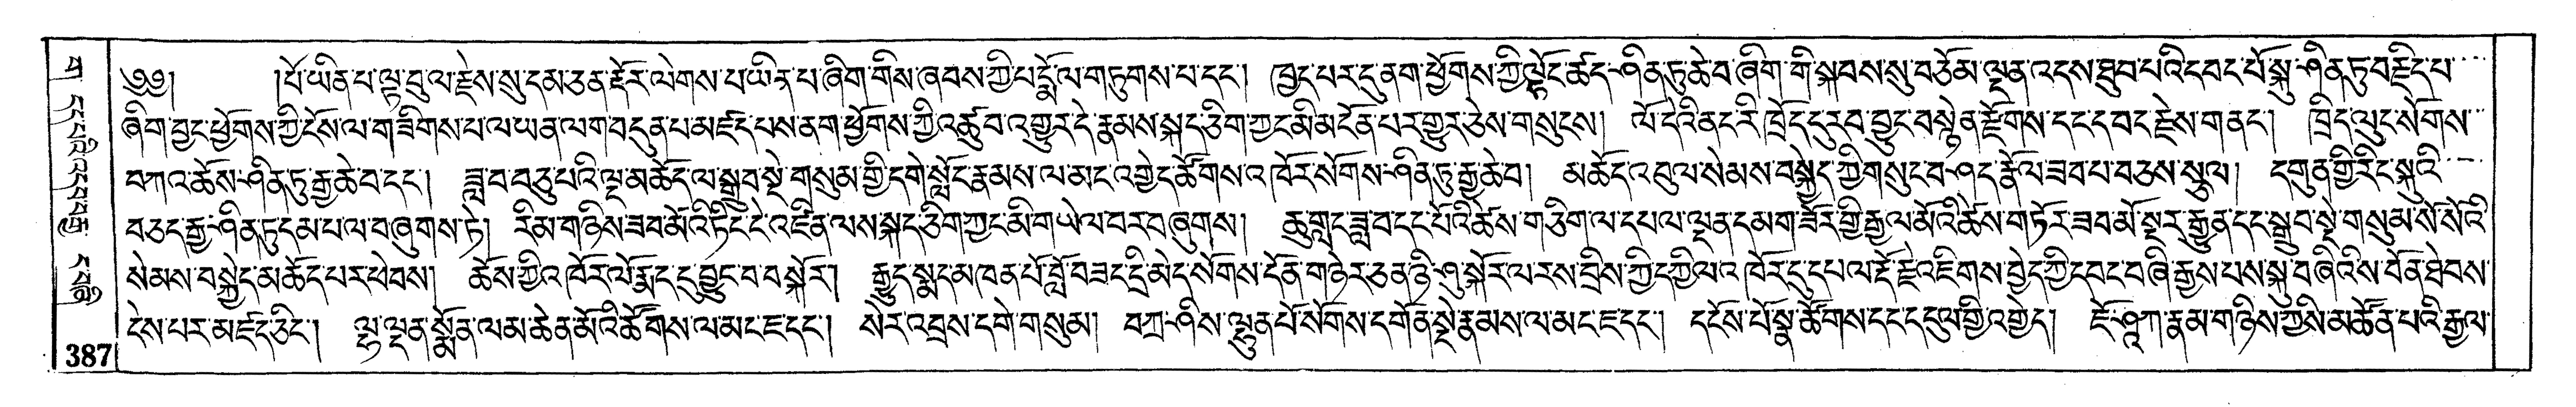༄༅། །པོ་ཡིན་པ་ལྟ་བུ་ལ་རྗེས་སུ་དམ་ཅན་རྡོར་ལེགས་པ་ཡིན་པ་ཞིག་གིས་ཞབས་ཀྱི་པདམོ་ལ་གཏུགས་པ་དང་། ཁྱད་པར་དུ་ནག་ཕྱོགས་ཀྱི་ལྷོད་ཚད་ཤིན་ཏུ་ཆེ་བ་ཞིག་གི་སྐབས་སུ་བཅོམ་ལྡན་འདས་ཐུབ་པའི་དབང་པོ་སྐུ་ཤིན་ཏུ་བརྗིད་པ་
ཞིག་བྱང་ཕྱོགས་ཀྱི་ངོས་ལ་གཟིགས་པ་ལ་ཡན་ལག་བདུན་པ་མཛད་པས་ནག་ཕྱོགས་ཀྱི་འཚུབ་འགྱུར་དེ་རྣམས་སྐད་ཅིག་ཀྱང་མི་མངོན་པར་གྱུར་ཅེས་གསུངས། ལོ་དེའི་ནང་རི་ཁྲོད་དུ་རབ་བྱུང་བསྙེན་རྫོགས་དང་དབང་རྗེས་གནང་། ཁྲིད་ལུང་སོགས་
བཀའ་ཆོས་ཤིན་ཏུ་རྒྱ་ཆེ་བ་དང་། ཟླ་བ་བཅུ་པའི་ལྔ་མཆོད་ལ་སྒྲུབ་སྡེ་གསུམ་གྱི་དགེ་སློང་རྣམས་ལ་མང་འགྱེད་ཚོགས་འཁོར་སོགས་ཤིན་ཏུ་རྒྱ་ཆེ་བ། མཆོད་འབུལ་སེམས་བསྐྱེད་ཀྱི་གསུང་བཤད་རྣོལ་ཟབ་པ་བཅས་སྩལ། དགུན་གྱི་རིང་སྐུའི་
བཅད་རྒྱ་ཤིན་ཏུ་དམ་པ་ལ་བཞུགས་ཏེ། རིམ་གཉིས་ཟབ་མོའི་ཏིང་ངེ་འཛིན་ལས་སྐད་ཅིག་ཀྱང་མི་གཡེལ་བར་བཞུགས། ཆུ་གླང་ཟླ་བ་དང་པོའི་ཚས་གཅིག་ལ་དཔལ་ལྡན་དམག་ཟོར་གྱི་རྒྱལ་མོའི་ཚེས་གཏོར་ཟབ་མོ་སྔར་རྒྱུན་དང་སྒྲུབ་སྡེ་གསུམ་སོ་སོའི་
སེམས་བསྐྱེད་མཆོད་པར་ཕེབས། ཆོས་ཀྱི་འཁོར་ལོ་རྨད་དུ་བྱུང་བ་བསྐོར། རྒྱུད་སྨད་མཁན་པོ་བློ་བཟང་དྲི་མེད་སོགས་དོན་གཉེར་ཅན་ཉི་ཤུ་སྐོར་ལ་རས་བྲིས་ཀྱི་དཀྱིལ་འཁོར་དུ་དཔལ་རྡོ་རྗེ་འཇིགས་བྱེད་ཀྱི་དབང་བཞི་རྒྱས་པས་སྐུ་བཞིའི་ས་བོན་ཐེབས་
ངེས་པར་མཛད་ཅིང་། ལྟ་ལྡན་སྨོན་ལམ་ཆེན་མོའི་ཚོགས་ལ་མང་ཇ་དང་། སེར་འབྲས་དགེ་གསུམ། བཀྲ་ཤིས་ལྟུན་པོ་སོགས་དགོན་སྡེ་རྣམས་ལ་མང་ཇ་དང་། དངོས་པོ་སྣ་ཚོགས་དང་དངུལ་གྱི་འགྱེད། ཇོ་ཤཱཀ་རྣམ་གཉིས་ཀྱིས་མཚོན་པའི་རྒྱལ་